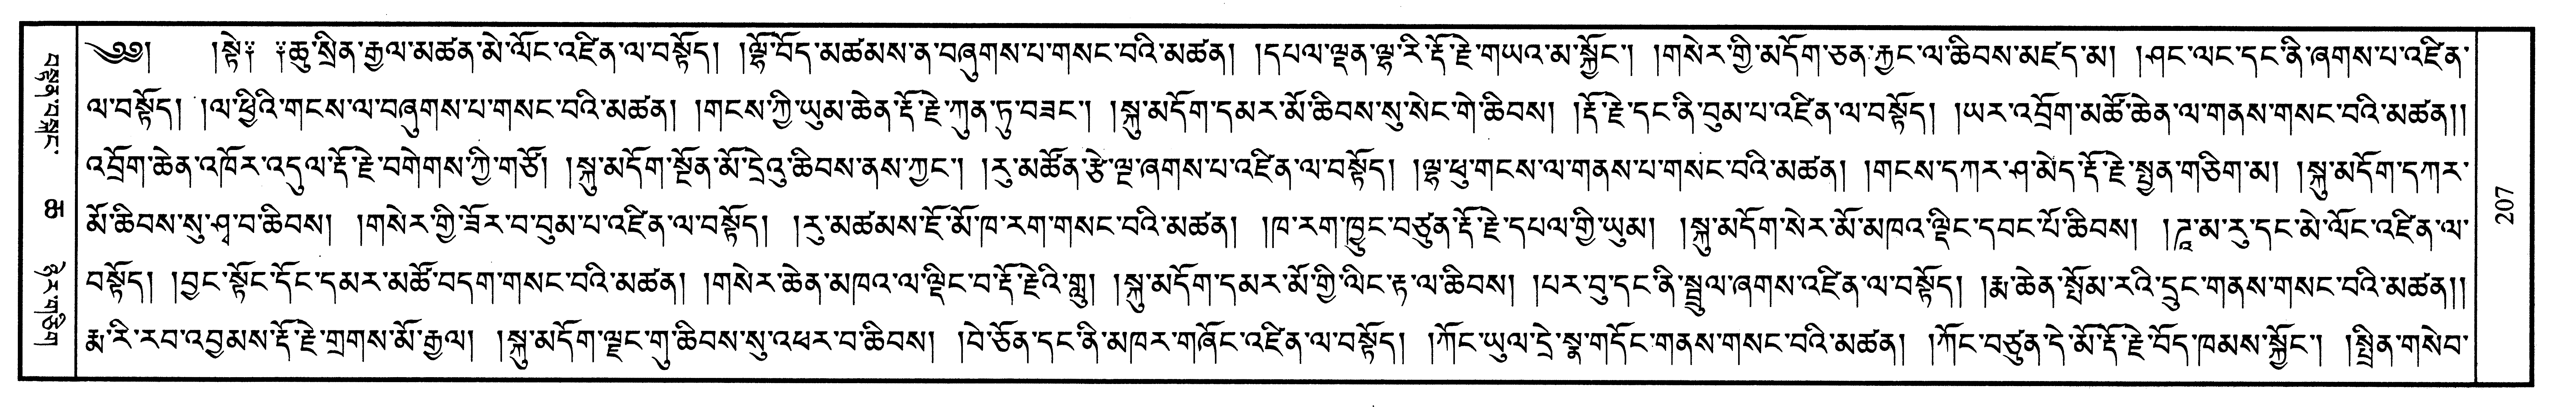༄༅། །སྟེ༑ ༑ཆུ་སྲིན་རྒྱལ་མཚན་མེ་ལོང་འཛིན་ལ་བསྟོད། །ལྷོ་བོད་མཚམས་ན་བཞུགས་པ་གསང་བའི་མཚན། །དཔལ་ལྡན་ལྷ་རི་རྡོ་རྗེ་གཡའ་མ་སྐྱོང་། །གསེར་གྱི་མདོག་ཅན་རྐྱང་ལ་ཆིབས་མཛད་མ། །ཤང་ལང་དང་ནི་ཞགས་པ་འཛིན་
ལ་བསྟོད། །ལ་ཕྱིའི་གངས་ལ་བཞུགས་པ་གསང་བའི་མཚན། །གངས་ཀྱི་ཡུམ་ཆེན་རྡོ་རྗེ་ཀུན་ཏུ་བཟང་། །སྐུ་མདོག་དམར་མོ་ཆིབས་སུ་སེང་གེ་ཆིབས། །རྡོ་རྗེ་དང་ནི་བུམ་པ་འཛིན་ལ་བསྟོད། །ཡར་འབྲོག་མཚོ་ཆེན་ལ་གནས་གསང་བའི་མཚན།།
འབྲོག་ཆེན་འཁོར་འདུལ་རྡོ་རྗེ་བགེགས་ཀྱི་གཙོ། །སྐུ་མདོག་སྔོན་མོ་དྲེའུ་ཆིབས་ནས་ཀྱང་། །རུ་མཚོན་རྩེ་ལྔ་ཞགས་པ་འཛིན་ལ་བསྟོད། །ལྷ་ཕུ་གངས་ལ་གནས་པ་གསང་བའི་མཚན། །གངས་དཀར་ཤ་མེད་རྡོ་རྗེ་སྤྱན་གཅིག་མ། །སྐུ་མདོག་དཀར་
མོ་ཆིབས་སུ་ཤྭ་བ་ཆིབས། །གསེར་གྱི་ཟོར་བ་བུམ་པ་འཛིན་ལ་བསྟོད། །རུ་མཚམས་ཇོ་མོ་ཁ་རག་གསང་བའི་མཚན། །ཁ་རག་ཁྱུང་བཙུན་རྡོ་རྗེ་དཔལ་གྱི་ཡུམ། །སྐུ་མདོག་སེར་མོ་མཁའ་ལྡིང་དབང་པོ་ཆིབས། །ཌཱ་མ་རུ་དང་མེ་ལོང་འཛིན་ལ་
བསྟོད། །བྱང་སྟོང་དོང་དམར་མཚོ་བདག་གསང་བའི་མཚན། །གསེར་ཆེན་མཁའ་ལ་ལྡིང་བ་རྡོ་རྗེའི་གླུ། །སྐུ་མདོག་དམར་མོ་གྱི་ལིང་རྟ་ལ་ཆིབས། །པར་བུ་དང་ནི་སྦྲུལ་ཞགས་འཛིན་ལ་བསྟོད། །རྨ་ཆེན་སྤོམ་རའི་དྲུང་གནས་གསང་བའི་མཚན།།
རྨ་རི་རབ་འབྱམས་རྡོ་རྗེ་གྲགས་མོ་རྒྱལ། །སྐུ་མདོག་ལྗང་གུ་ཆིབས་སུ་འཕར་བ་ཆིབས། །བེ་ཅོན་དང་ནི་མཁར་གཞོན་འཛིན་ལ་བསྟོད། །ཀོང་ཡུལ་དྲེ་སྣ་གདོང་གནས་གསང་བའི་མཚན། །ཀོང་བཙུན་དེ་མོ་རྡོ་རྗེ་བོད་ཁམས་སྐྱོང་། །སྤྲིན་གསེབ་